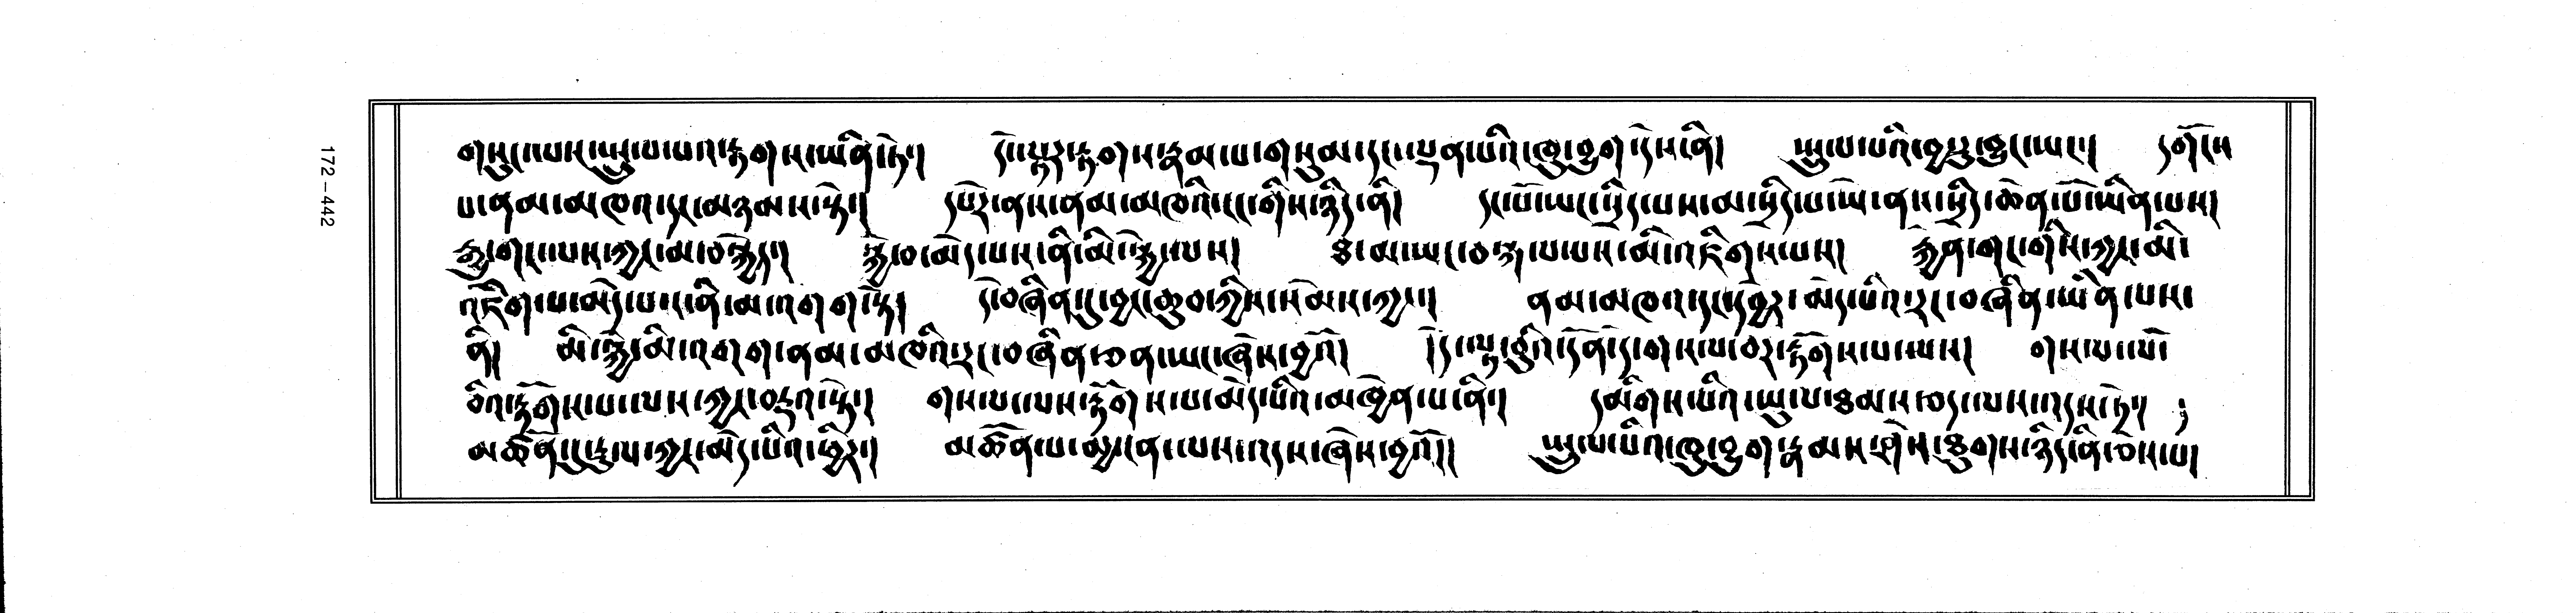གསུང་ལས་སྤྲུལ་པའི་རྟགས་ཡིན་ཏེ། དེ་ལྟར་རྟགས་རྣམ་པ་གསུམ་དང་ལྡན་པའི་ཁུ་བྱུག་དེས་ནི། སྤྲུལ་པའི་བྱ་རུ་བྱུང་ཡང་། དགོངས་
པ་ནམ་མཁའ་དང་མཉམ་སྟེ། དཔེར་ནས་ནམ་མཁའི་ངང་གིས་ཉིད་ནི། དང་པོ་ཡང་སྲིད་པས་མི་སྲིད་པ་ཡེ་ནས་སྲིད་ཆེན་པོ་ཡིན་པས། 
རྒྱུ་གང་ལས་ཀྱང་མ་བསྐྱེད། སྐྱེ་བ་མེད་པས་ནི་མི་སྐྱེ་ལས། ཐ་མ་ཡང་བསྐལ་པས་མི་འཇིག་པས། རྐྱེན་གང་གིས་ཀྱང་མི་
འཇིག་པ་མེད་པས་ནི་མ་འགག་སྟེ། དེ་བཞིན་དུ་བྱང་ཆུབ་ཀྱིས་སེམས་ཀྱང་། ནམ་མཁའ་དང་དབྱེར་མེད་པའི་རང་བཞིན་ཡིན་པས་
ནི། མི་སྐྱེ་མི་འགག་ནམ་མཁའི་རང་བཞིན་ཅན་ཡང་ཞེས་བྱའོ། དེ་ལྟ་བུའི་དོན་དེ་གསལ་བར་རྟོགས་པ་ལས། གསལ་ལོ་
བའི་རྟོགས་པ་ལས་ཀྱང་བརྡའ་སྟེ། གསལ་ལས་རྟོགས་པ་མེད་པའི་མཁྱེན་པ་ནི། དམིགས་པའི་ཡུལ་ཐམས་ཅད་ལས་འདས་ཏེ། 
མཚོན་དུ་རྡུལ་ཀྱང་མེད་པའི་ཕྱིར། མཚོན་པ་མྱ་ངན་ལས་འདས་ཞེས་བྱའོ། སྤྲུལ་པའི་ཁུ་བྱུག་རྣམ་ཤེས་ཐུགས་ཉིད་ནི་ཅེས་པ།